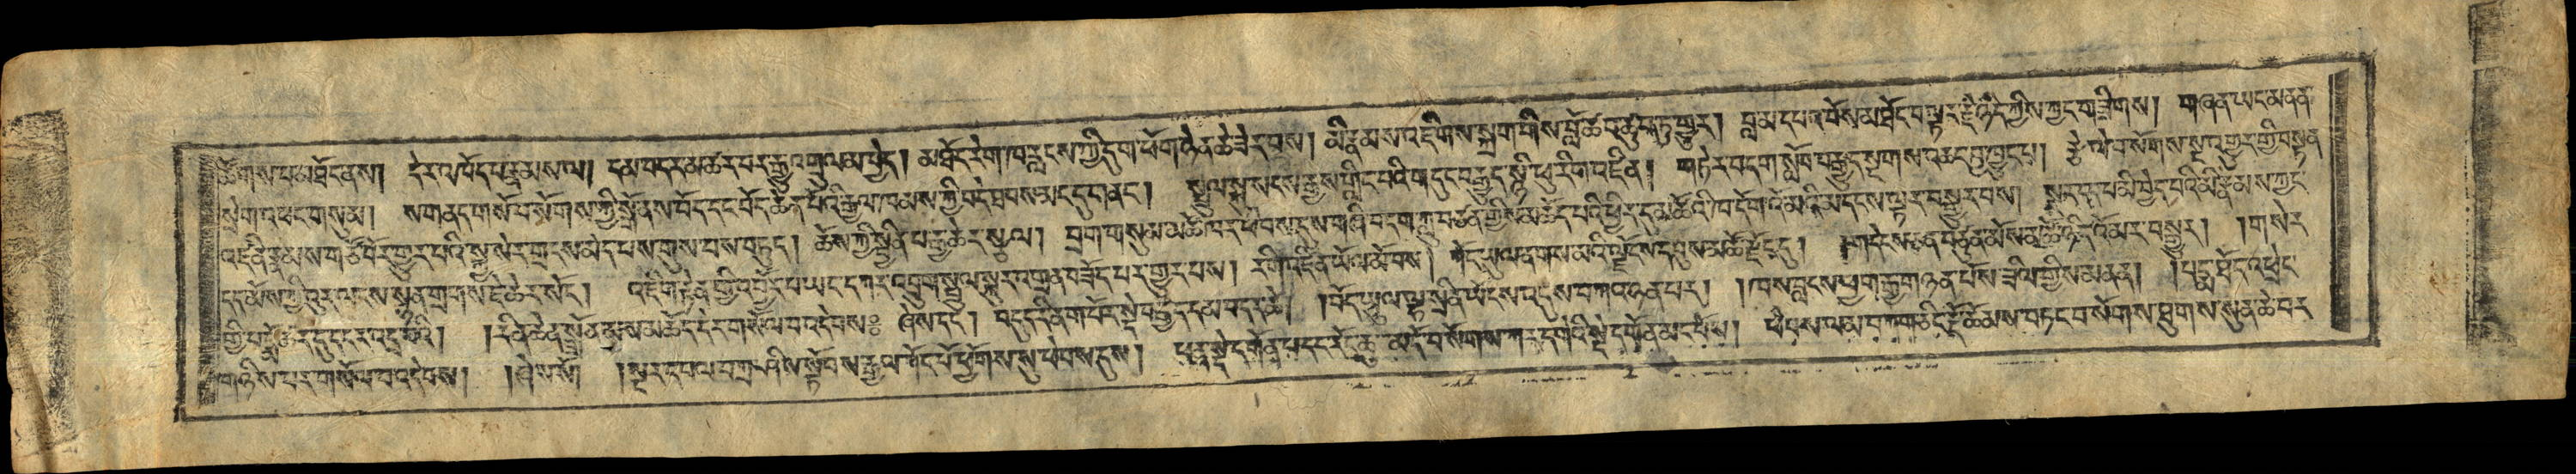ཚོགས་པ་མཐོང་ནས། དེར་འཁོད་པ་རྣམས་ལ། དམ་བདར་མཚར་བར་རྒྱུ་འགྲུལ་མ་བྱེད། མཐོང་རེག་ཁ་རླངས་ཀྱི་དུག་ཕོག་ཉེན་ཆེ་ཟེར་བས། མི་རྣམས་འཇིགས་སྐྲག་གིས་བློ་ཚབ་ཆུབ་ཏུ་གྱུར། བླ་མར་པའི་བོས་མཐོང་བ་ལྟར་རྗེ་ཉིད་ཀྱིས་ཀྱང་གཟིགས། གཞན་ཡང་མནན་
སྲེག་འཕང་གསུམ། ས་གནད་གསོབ་སོགས་ཀྱི་སྒོ་ནས་བོད་དང་བོང་ཆེན་པོའི་རྒྱལ་ཁམས་ཀྱི་བདེ་ཐབས་མང་དུ་གནང་། སྤྲུལ་སྐུ་སངས་རྒྱས་གླིང་པའི་གདུང་བརྒྱུད་སྙི་ཕུ་རིག་འཛིན། གཏེར་བདག་སློབ་བརྒྱུད་སྔགས་འཆང་བྱ་ཁྱུང་པ། རྩེ་ལེབ་སོགས་སྔ་འགྱུར་གྱི་བསྟན་
འཛིན་རྣམས་གཙོ་བོར་གྱུར་པའི་སྐྱ་སེར་གྲངས་མེད་པས་གུས་པས་བཏུད། ཆོས་ཀྱི་སྦྱིན་པ་རྒྱ་ཆེར་སྩལ། བྲག་གསུམ་མཚོ་ཁར་ཕེབས་དུས་གཞི་བདག་ཀླུ་བཙན་གྱིས་མཆོད་པའི་ཕྱིར་དུ་མཚོའི་ཁ་དོག་འོ་མའི་མདངས་ལྟར་བསྒྱུར་བས། སྔར་དད་པ་མི་བྱེད་པའི་མི་རྣམས་ཀྱང་
དད་མོས་ཀྱི་འུར་ལངས་སྟན་གྲགས་ཇེ་ཆེར་སོང་། འཇིག་རྟེན་གྱི་འབྱོར་པ་ཡང་དཀར་འབྲུག་སྤྲུལ་སྐུར་འགྲན་བཟོད་པར་གྱུར་པས། རིག་འཛིན་ཡོལ་མོ་བས། ཀོང་ཡུལ་ནགས་མའི་ལྗོངས་དབུས་མཚོ་རྫོང་དུ། །གདེངས་ཅན་བཙུན་མོས་མཚོ་ཉིད་འོ་མར་བསྒྱུར། །གསེར་
གྱི་པདམོ་ཚར་དུ་དངར་འདྲ་བའི། །རིན་ཆེན་སྒྲོན་མས་མཆོད་དེར་གསོལ་བ་འདེབསཿ་ཞེས་དང་། བདུད་རི་ནག་པོར་སྡེ་བརྒྱད་དམ་བདར་ཚེ། །བོད་ཡུལ་ལྷ་སྲིན་ཡོངས་འདུས་བཀའ་ཉན་པར། །ཁས་བླངས་ཕྱག་རྒྱ་གཉན་པོས་ཟིལ་གྱིས་མནན། །པདམ་ཐོད་འཕྲེང་
གཉིས་པར་གསོལ་བ་འདེབས། །ཞེས་སོ། །སྔར་དཔལ་བཀྲ་ཤིས་སྟོབས་རྒྱལ་ཀོང་པོ་ཕྱོགས་སུ་ཕེབས་དུས། ཕན་སྡེ་དགོན་པ་དང་རོང་ཆུ་མདོ་བ་སོགས་ཀར་དགེའི་སྡེ་དགོན་མང་བོས། ཕེབས་ལམ་བཀག་ཅིང་རྡོ་ཆོམས་བཏང་བ་སོགས་ཐུགས་སུན་ཆེ་བར་